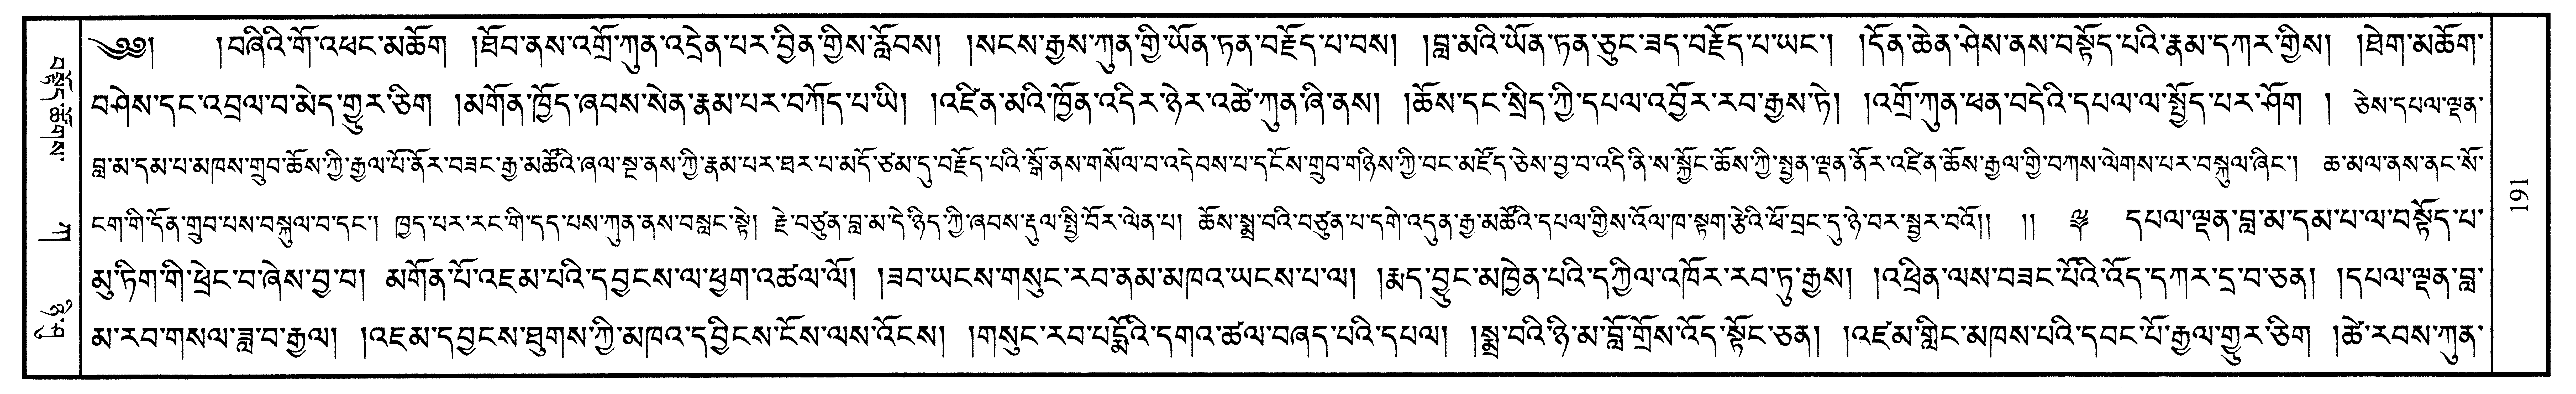༄༅། །བཞིའི་གོ་འཕང་མཆོག །ཐོབ་ནས་འགྲོ་ཀུན་འདྲེན་པར་བྱིན་གྱིས་རློབས། །སངས་རྒྱས་ཀུན་གྱི་ཡོན་ཏན་བརྗོད་པ་བས། །བླ་མའི་ཡོན་ཏན་ཅུང་ཟད་བརྗོད་པ་ཡང་། །དོན་ཆེན་ཤེས་ནས་བསྟོད་པའི་རྣམ་དཀར་གྱིས། །ཐེག་མཆོག་
བཤེས་དང་འབྲལ་བ་མེད་གྱུར་ཅིག །མགོན་ཁྱོད་ཞབས་སེན་རྣམ་པར་བཀོད་པ་ཡི། །འཛིན་མའི་ཁྱོན་འདིར་ཉེར་འཚེ་ཀུན་ཞི་ནས། །ཆོས་དང་སྲིད་ཀྱི་དཔལ་འབྱོར་རབ་རྒྱས་ཏེ། །འགྲོ་ཀུན་ཕན་བདེའི་དཔལ་ལ་སྤྱོད་པར་ཤོག །ཅེས་དཔལ་ལྡན་
བླ་མ་དམ་པ་མཁས་གྲུབ་ཆོས་ཀྱི་རྒྱལ་པོ་ནོར་བཟང་རྒྱ་མཚོའི་ཞལ་སྔ་ནས་ཀྱི་རྣམ་པར་ཐར་པ་མདོ་ཙམ་དུ་བརྗོད་པའི་སྒོ་ནས་གསོལ་བ་འདེབས་པ་དངོས་གྲུབ་གཉིས་ཀྱི་བང་མཛོད་ཅེས་བྱ་བ་འདི་ནི་ས་སྐྱོང་ཆོས་ཀྱི་སྤྱན་ལྡན་ནོར་འཛིན་ཆོས་རྒྱལ་གྱི་བཀས་ལེགས་པར་བསྐུལ་ཞིང་། ཆ་མལ་ནས་ནང་སོ་
ངག་གི་དོན་གྲུབ་པས་བསྐུལ་བ་དང་། ཁྱད་པར་རང་གི་དད་པས་ཀུན་ནས་བསླང་སྟེ། རྗེ་བཙུན་བླ་མ་དེ་ཉིད་ཀྱི་ཞབས་རྡུལ་སྤྱི་བོར་ལེན་པ། ཆོས་སྨྲ་བའི་བཙུན་པ་དགེ་འདུན་རྒྱ་མཚོའི་དཔལ་གྱིས་འོལ་ཁ་སྟག་རྩེའི་ཕོ་བྲང་དུ་ཉེ་བར་སྦྱར་བའོ།། །། ༈ དཔལ་ལྡན་བླ་མ་དམ་པ་ལ་བསྟོད་པ་
མུ་ཏིག་གི་ཕྲེང་བ་ཞེས་བྱ་བ། མགོན་པོ་འཇམ་པའི་དབྱངས་ལ་ཕྱག་འཚལ་ལོ། །ཟབ་ཡངས་གསུང་རབ་ནམ་མཁའ་ཡངས་པ་ལ། །རྨད་བྱུང་མཁྱེན་པའི་དཀྱིལ་འཁོར་རབ་ཏུ་རྒྱས། །འཕྲིན་ལས་བཟང་པོའི་འོད་དཀར་དྲ་བ་ཅན། །དཔལ་ལྡན་བླ་
མ་རབ་གསལ་ཟླ་བ་རྒྱལ། །འཇམ་དབྱངས་ཐུགས་ཀྱི་མཁའ་དབྱིངས་ངོས་ལས་འོངས། །གསུང་རབ་པདམོའི་དགའ་ཚལ་བཞད་པའི་དཔལ། །སྨྲ་བའི་ཉི་མ་བློ་གྲོས་འོད་སྟོང་ཅན། །འཛམ་གླིང་མཁས་པའི་དབང་པོ་རྒྱལ་གྱུར་ཅིག །ཚེ་རབས་ཀུན་